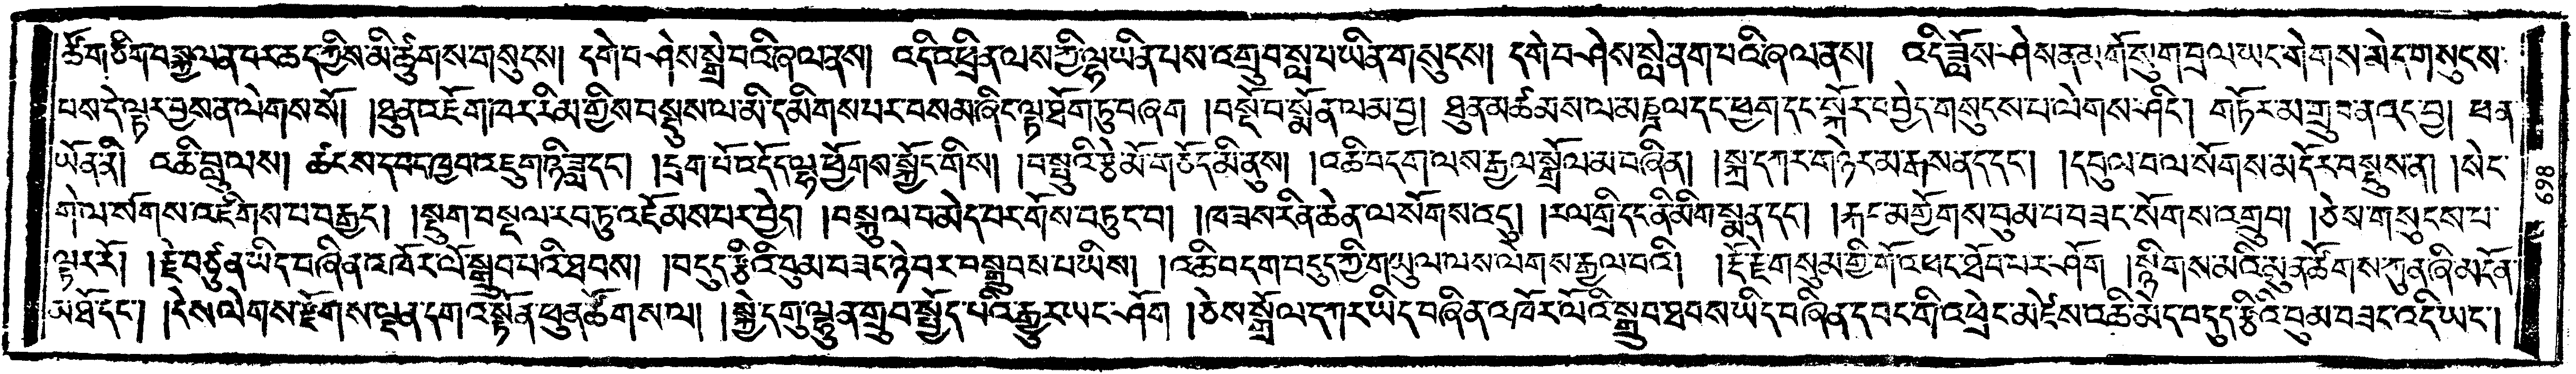ཚོག་གཅིག་བསྐྱལ་ན་བར་ཆད་ཀྱིས་མི་ཚུགས་གསུངས། དགེ་བཤེས་སྒྲེ་བའི་ཞལ་ནས། འདི་འཕྲིན་ལས་ཀྱི་ལྷ་ཡིན་པས་འགྲུབ་སླ་པ་ཡིན་གསུངས། དགེ་བཤེས་སླེ་ནག་པའི་ཞལ་ནས། འདི་ཟློས་ཤེས་ནམ་གོ་སུག་བྲལ་ཡང་གེགས་མེད་གསུངས་
པས་དེ་ལྟར་བྱས་ན་ལེགས་སོ། །ཐུན་འཇོག་ཁར་རིམ་གྱིས་བསྡུས་ལ་མི་དམིགས་པར་བསམ་ཞིང་ལྟ་ཐོག་ཏུ་བཞག །བསོད་བ་སྨོན་ལམ་བྱ། ཐུན་མཚམས་ལ་མཎྜལ་དང་ཕྱག་དང་སྐོར་བ་བྱེད་གསུངས་པ་ལེགས་ཤིང་། གཏོར་མ་གྲུབ་ནའང་བྱ། སན་
ཡོན་ནི། འཆི་བླུ་ལས། ཚངས་དབང་ཁྱབ་འཇུག་ཉི་ཟླ་དང་། །དྲག་པོ་འདོད་ལྷ་ཕྱོགས་སྐྱོང་གིས། །བ་སྤུའི་རྩེ་མོ་གཅོད་མི་ནུས། །འཆི་བདག་ལས་རྒྱལ་སྒྲོལ་མ་བཞིན། །སྐྲ་དཀར་གཉེར་མ་རྒས་ནད་དང་། །དབུལ་བ་ལ་སོགས་མདོར་བསྡུ།????????
གེལ་སོགས་འཇིགས་པ་བརྒྱད། །སྡུག་བསྔལ་རབ་ཏུ་འཛོམས་པར་བྱེད། །བསྐུལ་བ་མེད་པར་གོས་བཏུང་བ། །ཁ་ཟས་རིན་ཆེན་ལ་སོགས་འདུ། །རལ་གྲི་དང་ནི་མིག་སྨན་དང་། །རྐང་མགྱོགས་བུམ་པ་བཟང་སོགས་འགྲུབ། །ཅེས་བསག་ཡང་
ལྟར་རོ། །རྗེ་བཙུན་ཡིད་བཞིན་འཁོར་ལོ་སྡུབ་པའི་ཐབས། །བདུད་རྩིའི་བུམ་བཟང་ཉེ་བར་བསྒྲུབས་པ་ཡིས། །འཆི་བདག་བདུད་ཀྱི་གཡུལ་ལས་ལེགས་རྒྱལ་བའི། །རྡོ་རྗེ་གསུམ་གྱི་གོ་འཕང་ཐོབ་པར་ཤོག། །སྙིགས་མའི་མུན་ཚོགས་ཀུན་ཞི་མངོན་
མཐོ་དང་། །དེས་ལེགས་རྫོགས་ལྡན་དགའ་སྟོན་སུ་མཚོགས་ལ། །སྐྱེ་དགུ་ལྷུན་གྲུབ་སྤྱོད་????????་ཤོག །ཅེས་སྒྲོ་དཀར་ཡིད་བཞིན་འཁོར་ལོའི་སྒྲུབ་ཐབས་ཡིད་བཞིན་དཔག་གི་འཕྲེང་མེད་པར་ཅི་ཆེད་འདུད་རྩི་????་མ་བཟང་འདི་ཡང་།